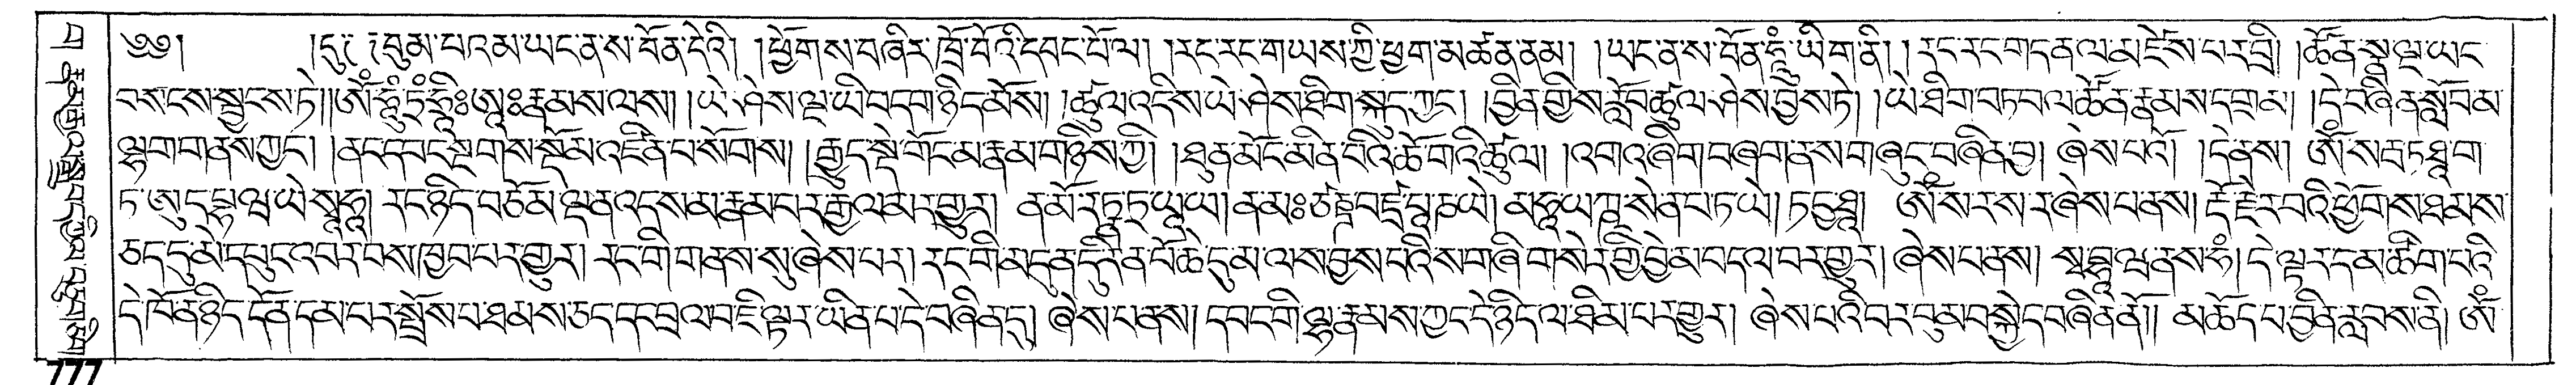༄༅། །དུ། །བུམ་པའམ་ཡང་ན་ས་བོན་དེའི། །ཕྱོགས་བཞིར་ཁྲོ་བོའི་དབང་པོ་ལ། །རང་རང་གཡས་ཀྱི་ཕྱག་མཚན་ནམ། །ཡང་ན་ས་བོན་ཧཱུཾ་ཡིག་ནི། །རང་རང་གདན་ལ་མཛེས་པར་བྲི། །ཚོན་སྣ་ལྔ་ཡང་
བསངས་སྦྱངས་ཏེ། །ཨོཾ་ཧཱུཾ་ཏྲཾ་ཧྲཱིཿ ཨཱཿ རྣམས་ལས། །ཡེ་ཤེས་ལྔ་ཡི་བདག་ཉིད་མོས། །ཚུལ་འདིས་ཡེ་ཤེས་ཐིག་སྐུད་ཀྱང་། །བྱིན་གྱིས་རློབ་ཚུལ་ཤེས་བྱས་ཏེ། །ཡེ་ཐིག་བཏབ་ལ་ཚོན་རྣམས་དགྲམ། །དེ་བཞིན་སློབ་མ་
ལྷག་གནས་ཀྱང་། །ནང་དབང་སྔགས་སྡོམ་འཛིན་པ་སོགས། །རྒྱུད་སྡེ་གོང་མ་རྣམ་གཉིས་ཀྱི། །ཐུན་མོང་མིན་པའི་ཆོ་གའི་ཚུལ། །འགའ་ཞིག་བཞག་ནས་གཞུང་བཞིན་བྱ། ཞེས་པའོ། །དེ་ནས། ཨོཾ་སརྦ་ཏ་ཐཱ་ག་
ཏ་ཨུད་པཧ་ཝ་ཡེ་སྭཱཧཱ། རང་ཉིད་བཅོམ་ལྡན་འདས་མ་རྣམ་པར་རྒྱལ་མར་གྱུར། ན་མོ་རཏྣ་ཏྲ་ཡཱ་ཡ། ན་མཿ ཙཎྜ་བཛྲ་པཱ་ཎ་ཡེ། མཧཱ་ཡཀྵ་སེ་ན་པ་ཏ་ཡེ། ཏ་དྱ་ཐཱ། ཨོཾ་ས་ར་ས་ར་ཞེས་པ་ནས། རྡོ་རྗེ་ར་བའི་ཕྱོགས་ཐམས་
ཅད་དུ་མེ་དཔུང་འབར་བས་ཁྱབ་པར་གྱུར། རང་གི་གནས་སུ་ཞེས་པར། རང་གི་མདུན་དུ་རིན་པོ་ཆེ་དུ་མ་ལས་བྱས་པའི་ས་གཞི་གསེར་གྱི་བྱེ་མ་བདལ་བར་གྱུར། ཞེས་པ་ནས། སྭ་བྷཱ་ཝ་ནས་ཧཾ། དེ་ལྟར་དམ་ཚིག་པའི་
དེ་ཁོ་ན་ཉིད་དོན་དམ་པར་སྤྲོས་པ་ཐམས་ཅད་དང་བྲལ་བ་ཇི་ལྟར་ཡིན་པ་དེ་བཞིན་དུ། ཞེས་པ་ནས། དབང་གི་ལྷ་རྣམས་ཀྱང་དེ་ཉིད་ལ་ཐིམ་པར་གྱུར། ཞེས་པའི་བར་བུམ་བསྐྱེད་བཞིན་ནོ། །མཆོད་པ་བྱིན་རླབས་ནི། ཨོཾ་